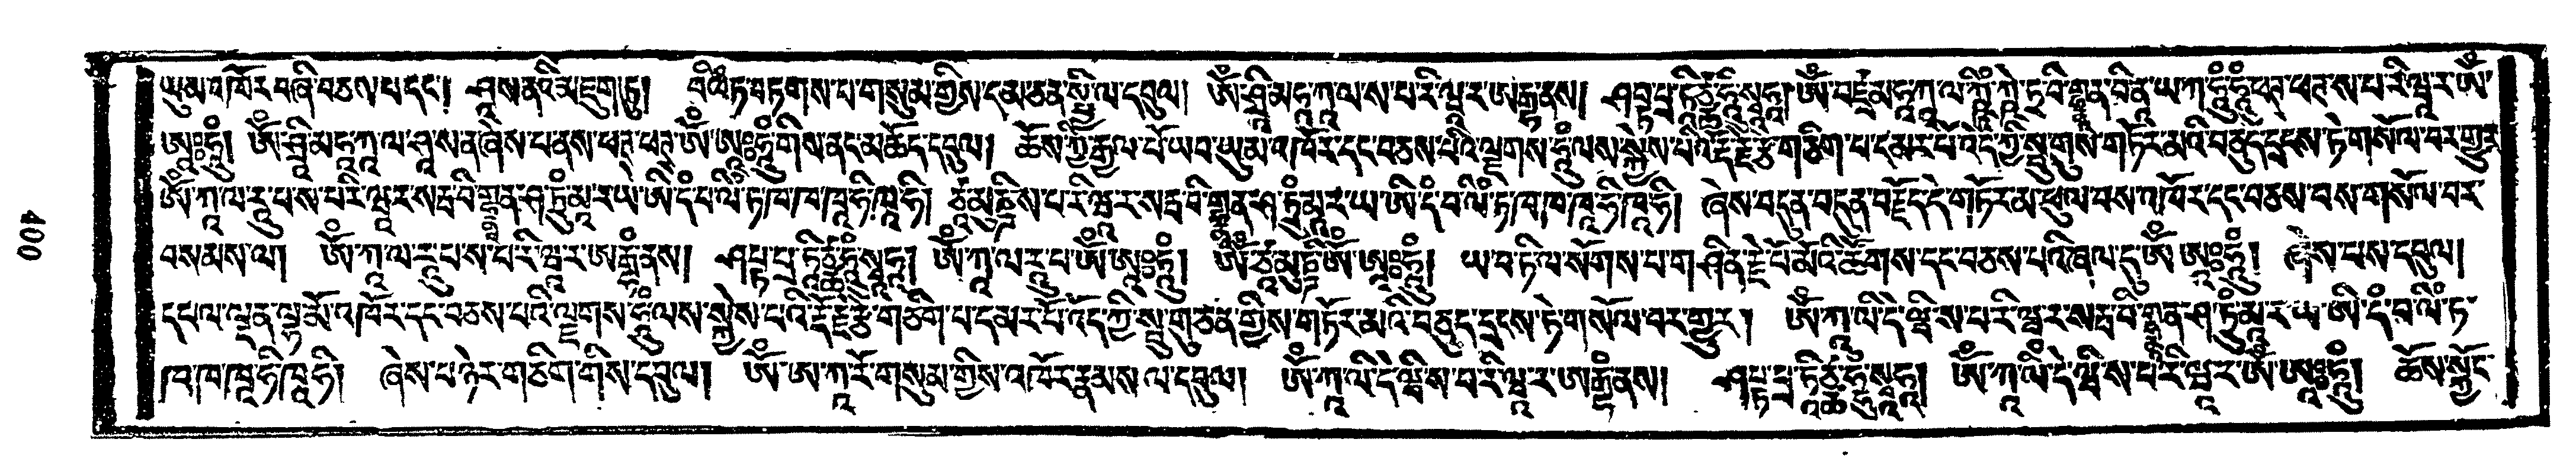ཡུམ་འཁོར་བཞི་བཅས་པ་དང་། ཤཱས་ནའི་མཇུག་ཏུ། བིལཾ་ཏ་བཏགས་པ་གསུམ་གྱིས་དམ་ཅན་སྤྱི་ལ་དབུལ། །ཨོམ་ཤྲཱི་མྷཱ་ཀཱ་ལ་ས་པ་རི་ཝཱ་ར་ཨརྒྷ་ནས། ཤབཏ་པྲ་ཏཱིཙྪ་ཧཱུཾ་སྭཱ་ཧཱ། ཨོཾ་བཛྲ་མ་ཧཱ་ཀཱ་ལ་ཀྵཱིཾ་ཀྵེ་ཏྲ་བི་གྷྣཱན་བི་ནཱ་ཡ་ཀ་ཧཱུཾ་ཧཱུཾ་ཕཊ་ཕཊ་ས་པ་རི་ཝཱ་ར་ཨོཾ་
ཨཱཿ ཧཱུཾ། ཨོཾ་ཤྲཱི་མྷཱ་ཀཱ་ལ་ཤཱ་ས་ན་ཞེས་པ་ནས་ཕཊ་ཕཊ་ཨོཾ་ཨཱཿ ཧཱུཾ་གིས་ནང་མཆོད་དབུལ། ཆོས་ཀྱི་རྒྱལ་པོ་ཡབ་ཡུམ་འཁོར་དང་བཅས་པའི་ལྗགས་ཧཱུཾ་ལས་སྐྱེས་པའི་རྡོ་རྗེ་རྩ་གཅིག་པ་དམར་པོ་འདི་ཀྱི་སྦུ་གུས་གཏོར་མའི་བཅུད་དྲངས་ཏེ་གསོལ་བར་གྱུར་
ཨོཾ་ཀཱ་ལ་རཱུ་པ་ས་པ་རི་ཝཱ་ར་སརྦ་བི་གྷྣཱན་ཤ་ཏྲུཾ་མཱ་ར་ཡེ་ཨི་དཾ་པ་ལིཾ་ཏ་ཁ་ཁ་ཁཱ་ཧི་ཁཱ་ཧི། ཙཱ་མུཎྜི་ས་པ་རི་ཝཱ་ར་སརྦ་བི་གྷྣཱན་ཤ་ཏྲུཾ་མཱ་ར་ཡ་ཨི་དཾ་བ་ལིཾ་ཏ་ཁ་ཁ་ཁཱ་ཧི་ཁཱ་ཧི། ཞེས་བདུན་བདུན་བརྗོད་དེ་གཏོར་མ་ཕུལ་བས་འཁོར་དང་བཅས་བས་གསོལ་བར་
བསམས་ལ། ཨོཾ་ཀཱ་ལ་རཱུ་པ་ས་པ་རི་ཝཱ་ར་ཨརྒྷཾ་ནས། ཤཔྟ་པྲ་ཏཱིཙྪ་ཧཱུཾ་སྭཱ་ཧཱ། ཨོཾ་ཀཱ་ལ་རཱུ་པ་ཨོཾ་ཨཱཿ ཧཱུཾ། ཨོཾ་ཙཱ་མུཎྜི་ཨོཾ་ཨཱཿ ཧཱུཾ། ཡ་བ་ཏི་ལ་སོགས་པ་གཤིན་རྗེ་པོ་མོའི་ཚོགས་དང་བཅས་པའི་ཞལ་དུ་ཨོཾ་ཨཱཿ ཧཱུཾ། ཞེས་པས་དབུལ།
དཔལ་ལྡན་ལྷ་མོ་འཁོར་དང་བཅས་པའི་ལྗགས་ཧཱུཾ་ལས་སྐྱེས་པའི་རྡོ་རྗེ་རྩེ་གཅིག་པ་དམར་པོ་འོད་ཀྱི་སྦུ་གུ་ཅན་གྱིས་གཏོར་མའི་བཅུད་དྲངས་ཏེ་གསོལ་བར་གྱུར། ཨོཾ་ཀཱ་ལི་དེ་ཝི་ས་པ་རི་ཝ་ར་སརྦ་བི་གྷྣཱན་ཤ་ཏྲུཾ་མཱ་ར་ཡ་ཨི་དཾ་བ་ལིཾ་ཏ་
ཁ་ཁ་ཁཱ་ཧི་ཁཱ་ཧི། ཞེས་པ་ཉེར་གཅིག་གིས་དབུལ། ཨོཾ་ཨ་ཀཱ་རོ་གསུམ་གྱིས་འཁོར་རྣམས་ལ་དབུལ། ཨོཾ་ཀཱ་ལི་དེ་ཝི་ས་བ་རི་ཝཱ་ར་ཨརྒྷཾ་ནས། ཤཔྟ་པྲ་ཏཱིཙྪ་ཧཱུཾ་སྭཱ་ཧཱ། ཨོཾ་ཀཱ་ལིཾ་དེ་ཝི་ས་པཾ་རི་ཝཱ་ར་ཨོཾ་ཨཱཿ ཧཱུཾ། ཆོས་སྐྱོན་